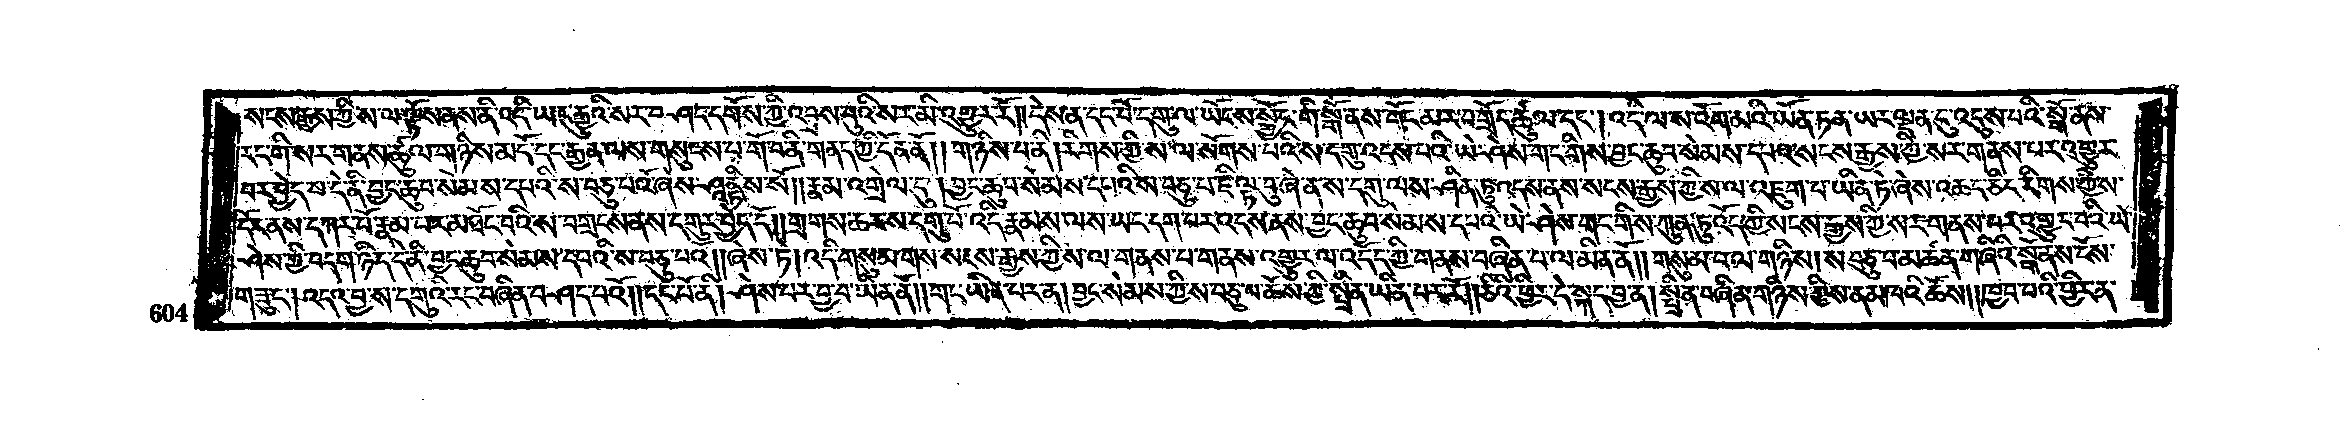སངས་རྒྱས་ཀྱི་ས་ལ་ལྟོས་ནས་ནི་འདི་ཡང་རྒྱུའི་སར་བཤད་དགོས་ཀྱི་འབྲས་བུའི་སར་མི་འགྱུར་རོ། །དེས་ན་དང་པོ་དགུ་ལ་ཡོངས་སྦྱོང་གི་སྒོ་ནས་གོང་མར་བགྲོད་ཚུལ་དང་། འདི་ལ་ས་འོག་མའི་ཡོན་ཏན་ཡར་ལྡན་དུ་འདུས་པའི་སྒོ་ནས་
རང་གི་སར་གནས་ཚུལ་གཉིས་མདོ་དང་རྒྱན་ལས་གསུངས་པ་གོ་བ་ནི་གནད་ཀྱི་དོན་ནོ། །གཉིས་པ་ནི། རིགས་ཀྱི་ས་ལ་སོགས་པའི་ས་དགུ་འདས་པའི་ཡེ་ཤེས་གང་གིས་བྱང་ཆུབ་སེམས་དཔའ་སངས་རྒྱས་ཀྱི་སར་གནས་པར་འགྱུར་
བར་བྱེད་པ་དེ་ནི་བྱང་ཆུབ་སེམས་དཔའི་ས་བཅུ་པའོ་ཞེས་ཤཱནྟིས་སོ། །རྣམ་འགྲེལ་དུ། བྱང་ཆུབ་སེམས་དཔའི་ས་བཅུ་པ་ཇི་ལྟ་བུ་ཞེ་ན་ས་དགུ་ལས་ཤིན་ཏུ་འདས་ནས་སངས་རྒྱས་ཀྱི་ས་ལ་འཇུག་པ་ཡིན་ཏེ་ཞེས་འཆད་ཅིང་རིགས་ཀྱིས་
དོར་ནས་དཀར་པོ་རྣམ་པར་མཐོང་བའི་ས་བགྲངས་ནས་དགུར་བྱེད་དོ། །གྲགས་ཆར་ས་དགུ་པོ་འདི་རྣམས་ལས་ཡང་དག་པར་འདས་ནས་བྱང་ཆུབ་སེམས་དཔའི་ཡེ་ཤེས་གང་གིས་ཀུན་ཏུ་འོད་ཀྱི་སངས་རྒྱས་ཀྱི་སར་གནས་པར་འགྱུར་བའི་ཡེ་
ཤེས་ཀྱི་བདག་ཉིད་དེ་ནི་བྱང་ཆུབ་སེམས་དཔའི་ས་བཅུ་པའོ། །ཞེས་ཏེ། འདི་གསུམ་གིས་སངས་རྒྱས་ཀྱི་ས་ལ་གནས་པ་གནས་འགྱུར་ལ་འདོད་ཀྱི་གནས་བཞིན་པ་ལ་མིན་ནོ། །གསུམ་པ་ལ་གཉིས། ས་བཅུ་པ་མཚན་གཞིའི་སྒོ་ནས་ངོས་
གཟུང་། འདའ་བྱ་ས་དགུའི་རང་བཞིན་བཤད་པའོ། །དང་པོ་ནི། ཤེས་པར་བྱ་བ་ཡིན་ནོ། །གང་ཡིན་པར་ན། བྱང་སེམས་ཀྱི་ས་བཅུ་པ་ཆོས་ཀྱི་སྤྲིན་ཡིན་པར་རོ། །ཅིའི་ཕྱིར་དེ་སྐད་བྱ་ན། སྤྲིན་བཞིན་གཉིས་ཀྱིས་ནམ་མཁའི་ཆོས། །ཁྱབ་པའི་ཕྱིར་ན་